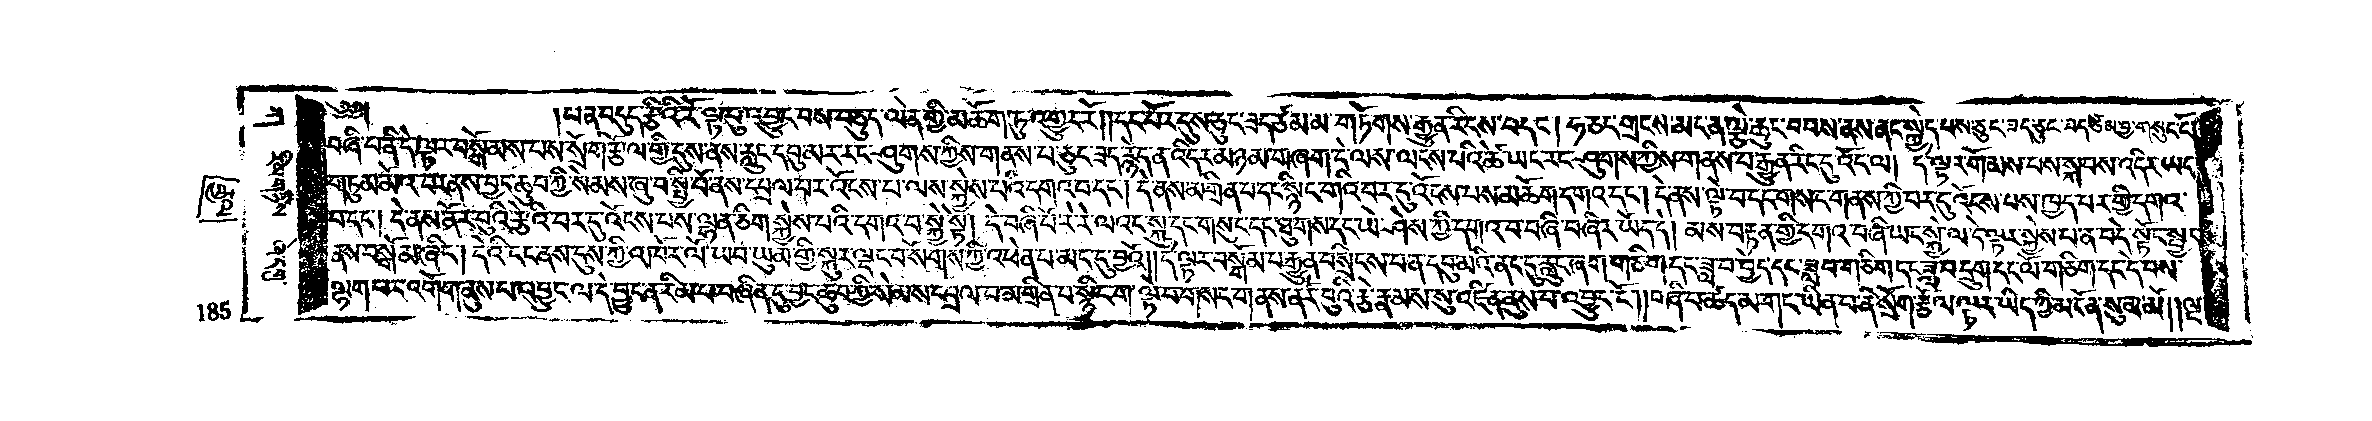༄༅། །པ་ན་བདུད་རྩིའི་རོ་ལྟ་བུ་འབྱུང་བས་བཅུད་ལེན་གྱི་མཆོག་ཏུ་འགྱུར་རོ། །དང་པོར་དུས་ཅུང་ཟད་ཙམ་མ་གཏོགས་རྒྱུན་རིངས་པ་དང་། ཧ་ཅང་གྲངས་མང་ན་ལྕེ་ཆུང་བབས་ནས་ནང་སྐྱེད་པས་ཅུང་ཟད་ཅུང་ཟད་ཙམ་བྱ་གསུང་ངོ།
བཞི་པ་ནི་དེ་ལྟར་བསྒོམས་པས་སྲོག་རྩོལ་གྱི་དུས་ནས་རླུང་དབུ་མར་རང་ཤུགས་ཀྱིས་གནས་པ་ཅུང་ཟད་རྙེད་ན་འདིར་མཉམ་གཞག་དེ་ལས་ལངས་པའི་ཚེ་ཡང་རང་ཤུགས་ཀྱིས་གནས་པ་རྒྱུན་རིང་དུ་འོང་ལ། དེ་ལྟར་གོམས་པས་སྐབས་འདིར་ཡང་
གཏུམ་མོའི་བར་ནས་བྱང་ཆུབ་ཀྱི་སེམས་ཞུ་བ་སྤྱི་བོ་ནས་དཔྲལ་བར་འོངས་པ་ལས་སྐྱེས་པའི་དགའ་བ་དང་། དེ་ནས་མགྲིན་པ་དང་སྙིང་གའི་བར་དུ་འོངས་པས་མཆོག་དགའ་དང་། དེ་ནས་ལྟེ་བ་དང་གསང་གནས་ཀྱི་བར་དུ་འོངས་པས་ཁྱད་པར་གྱི་དགའ་
བ་དང་། དེ་ནས་ནོར་བུའི་རྩེའི་བར་དུ་འོངས་པས་ལྷན་ཅིག་སྐྱེས་པའི་དགའ་བ་སྐྱེ་སྟེ། དེ་བཞི་པོ་རེ་རེ་ལའང་སྐུ་དང་གསུང་དང་ཐུགས་དང་ཡེ་ཤེས་ཀྱི་དགའ་བ་བཞི་བཞིར་ཡོད་དེ། མས་བརྟན་གྱི་དགའ་བཞི་ཡང་སྐྱེ་ལ་དེ་ལྟར་སྐྱེས་པ་ན་བདེ་སྟོང་སྦྱང་
ནས་བསྒོམ་ཞིང་། དེའི་ངང་ནས་དུས་ཀྱི་འཁོར་ལོ་ཡབ་ཡུམ་གྱི་སྐུར་ལྡང་བ་སོགས་ཀྱི་འཕེན་པ་མང་དུ་བྱའོ། །དེ་ལྟར་བསྒོམ་པ་རྒྱུན་བསྲིངས་པ་ན་དབུ་མའི་ནང་དུ་རླུང་ཞག་གཅིག་དང་ཟླ་བ་བྱེད་དང་ཟླ་བ་གཅིག་དང་ཟླ་བ་དྲུག་དང་ལོ་གཅིག་དང་དེ་བས་
ལྷག་པར་འགོག་ནུས་པ་འབྱུང་ལ་དེ་བྱུང་ན་རིམ་པ་བཞིན་དུ་བྱང་ཆུབ་ཀྱི་སེམས་དཔྲལ་བ་མགྲིན་པ་སྙིང་ག་ལྟེ་བ་གསང་གནས་ནོར་བུའི་རྩེ་རྣམས་སུ་འཛིན་ནུས་པ་འབྱུང་ངོ། །བཞི་པ་ཚད་མ་གང་ཡིན་པ་ནི་སྲོག་རྩོལ་ལྟར་ཡིད་ཀྱི་མངོན་སུམ་མོ། །ལྔ་